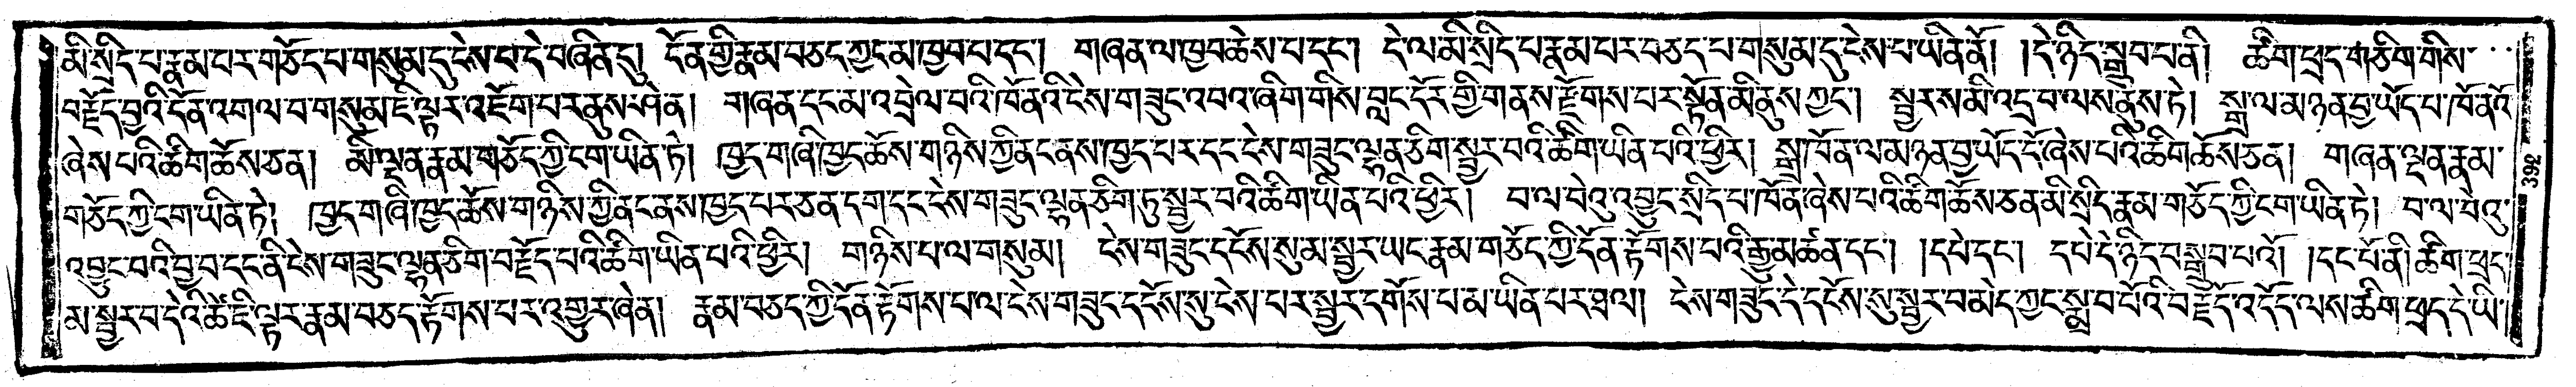མི་སྲིད་པ་རྣམ་པར་གཅོད་པ་གསུམ་དུ་ངེས་པ་དེ་བཞིན་དུ། དོན་གྱི་རྣམ་བཅད་ཀྱང་མ་ཁྱབ་བ་དང་། གཞན་ལ་ཁྱབ་ཆེས་པ་དང་། དེ་ལ་མི་སྲིད་པ་རྣམ་པར་བཅད་པ་གསུམ་དུ་ངེས་པ་ཡིན་ནོ། །དེ་ཉིད་སྒྲུབ་བ་ནི། ཚིག་ཕྲད་གཅིག་གིས་
བརྗོད་བྱའི་དོན་འགལ་བ་གསུམ་ཇི་ལྟར་འཇོག་པར་ནུས་ཤེ་ན། གཞན་དང་མ་འབྲེལ་བའི་ཁོ་ནའི་ངེས་གཟུང་འབའ་ཞིག་གིས་བླང་དོར་གྱི་གནས་རྫོགས་བར་སྟོན་མི་ནུས་ཀྱང་། སྦྱར་ས་མི་འདྲ་བ་ལས་ནུས་ཏེ། སྒྲ་ལ་མཉན་བྱ་ཡོད་པ་ཁོ་ནའོ་
ཞེས་པའི་ཚིག་ཆོས་ཅན། མི་ལྡན་རྣམ་གཅོད་ཀྱི་ངག་ཡིན་ཏེ། ཁྱད་གཞི་ཁྱད་ཆོས་གཉིས་ཀྱི་ནང་ནས་ཁྱད་པར་དང་ངེས་གཟུང་ལྷན་ཅིག་སྦྱར་བའི་ཚིག་ཡིན་པའི་ཕྱིར། སྒྲ་ཁོ་ན་ལ་མཉན་བྱ་ཡོད་དོ་ཞེས་པའི་ཚིག་ཆོས་ཅན། གཞན་ལྡན་རྣམ་
གཅོད་ཀྱི་ངག་ཡིན་ཏེ། ཁྱད་གཞི་ཁྱད་ཆོས་གཉིས་ཀྱི་ནང་ནས་ཁྱད་པར་ཅན་དག་དང་ངེས་གཟུང་ལྷན་ཅིག་ཏུ་སྦྱར་བའི་ཚིག་ཡིན་པའི་ཕྱིར། བ་ལ་བེའུ་འབྱུང་སྲིད་པ་ཁོ་ན་ཞེས་པའི་ཚིག་ཆོས་ཅན་མི་སྲིད་རྣམ་གཅོད་ཀྱི་ངག་ཡིན་ཏེ། བ་ལ་བེའུ་
འབྱུང་བའི་བྱ་བ་དང་ནི་ངེས་གཟུང་ལྷན་ཅིག་བརྗོད་པའི་ཚིག་ཡིན་པའི་ཕྱིར། གཉིས་པ་ལ་གསུམ། ངེས་གཟུང་དངོས་སུ་མ་སྦྱར་ཡང་རྣམ་གཅོད་ཀྱི་དོན་རྟོགས་པའི་རྒྱུ་མཚན་དང་། །དཔེ་དང་། དཔེ་དེ་ཉིད་བསྒྲུབ་པའོ། །དང་པོ་ནི། ཚིག་ཕྲད་
མ་སྦྱར་བ་དེའི་ཚེ་ཇི་ལྟར་རྣམ་བཅད་རྟོགས་པར་འགྱུར་ཞེ་ན། རྣམ་བཅད་ཀྱི་དོན་རྟོགས་པ་ལ་ངེས་གཟུང་དངོས་སུ་ངེས་པར་སྦྱར་དགོས་པ་མ་ཡིན་པར་ཐལ། ངེས་གཟུང་དེ་དངོས་སུ་སྦྱར་བ་མེད་ཀྱང་སྨྲ་བ་པོའི་བརྗོད་འདོད་ལས་ཚིག་ཕྲད་དེ་ཡི་